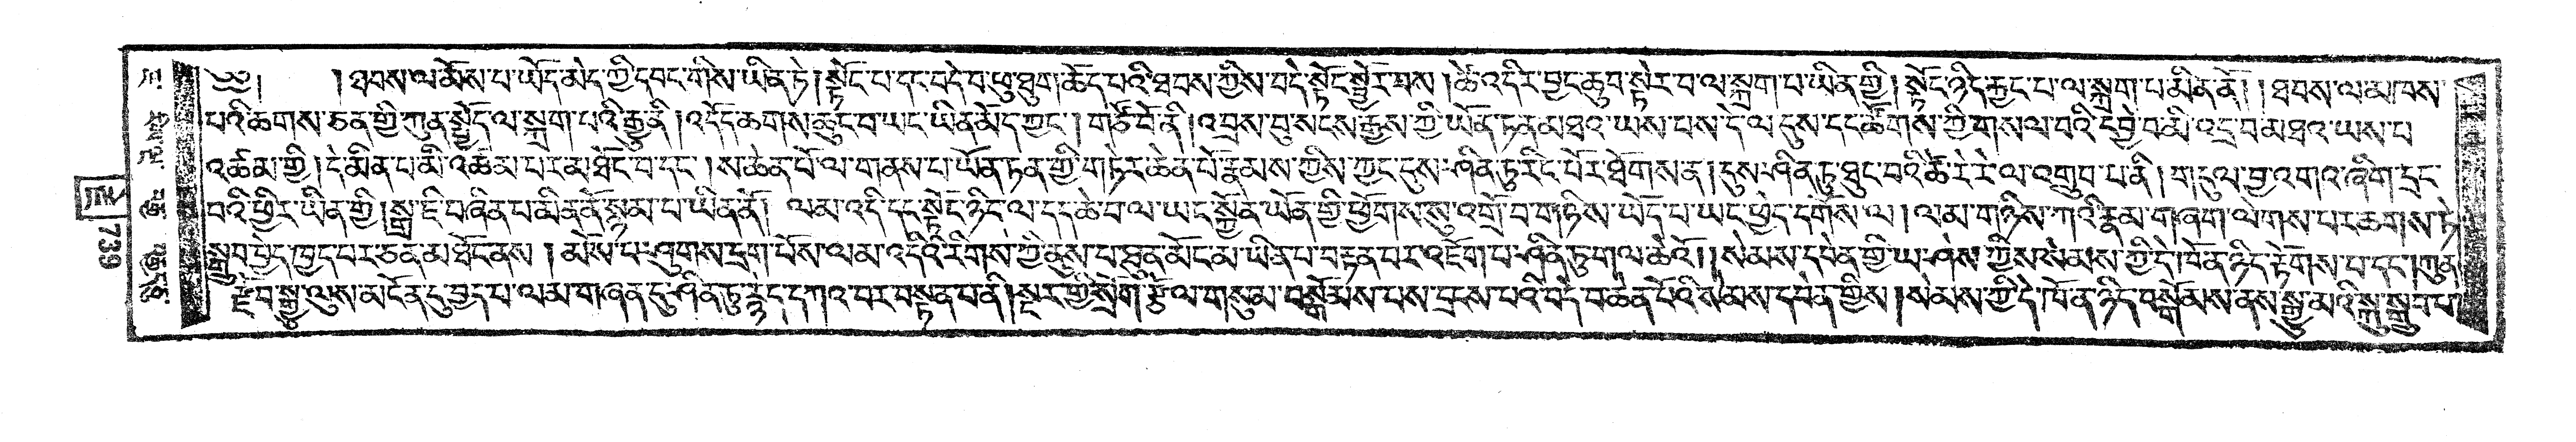༄༅། །ཐབས་ལ་མོས་པ་ཡོད་མེད་ཀྱི་དབང་གིས་ཡིན་ཏེ། སྟོང་པ་དང་བདེ་བ་ཕུ་ཐུག་ཚོད་བའི་ཐབས་ཀྱིས་བདེ་སྟོང་སྦྱོར་བས། ཚེ་འདིར་བྱང་ཆུབ་སྟེར་བ་ལ་སྐྲག་པ་ཡིན་གྱི། སྟོང་ཉིད་རྐྱང་པ་ལ་སྐྲག་པ་མིན་ནོ། །ཐབས་ལ་མཁས་
པའི་ཆགས་ཅན་གྱི་ཀུན་སྤྱོད་ལ་སྐྲག་པའི་རྒྱུ་ནི། འདོད་ཆགས་ཆུང་བ་ཡང་ཡིན་མོད་ཀྱང་། གཙོ་བོ་ནི། འབྲས་བུ་སངས་རྒྱས་ཀྱི་ཡོན་ཏན་མཐའ་ཡས་པས་དེ་ལ་དུས་དང་ཚོགས་ཀྱི་གསལ་བའི་དབྱེ་བ་མི་འདྲ་བ་མཐའ་ཡས་པ་
འཚམ་གྱི། དེ་མིན་པ་མི་འཚམ་པར་མཐོང་བ་དང་། ས་ཆེན་པོ་ལ་གནས་པ་ཡོན་ཏན་གྱི་གཏེར་ཆེན་པོ་རྣམས་ཀྱིས་ཀྱང་དུས་ཤིན་ཏུ་རིང་པོར་ཐོགས་ན། དུས་ཤིན་ཏུ་ཐུང་བའི་ཆེ་རེ་རེ་ལ་འགྲུབ་པ་ནི། གདུལ་བྱ་འགའ་ཞིག་དྲང་
བའི་ཕྱིར་ཡིན་གྱི། སྒྲ་ཇི་བཞིན་པ་མིན་ནོ་སྙམ་པ་ཡིན་ནོ། །ལམ་འདི་དང་སྟོང་ཉིད་ལ་དད་ཆེ་བ་ལ་ཡང་སྐྱོན་ཡོན་གྱི་ཕྱོགས་སུ་འགྲོ་བ་གཉིས་ཡོད་པ་ཡང་ཕྱེད་དགོས་ལ། ལམ་གཉིས་ཀའི་རྣམ་གཞག་ལེགས་པར་ཆགས་ཏེ་
སྒྲུབ་བྱེད་ཁྱད་པར་ཅན་མཐོང་ནས། མོས་པ་ཤུགས་དྲག་པོས་ལམ་འདིའི་རིགས་ཀྱི་ནུས་པ་ཐུན་མོང་མ་ཡིན་པ་བརྟན་པར་འཇོག་པ་ཤིན་ཏུ་གལ་ཆེའོ། །སེམས་དབེན་གྱི་ཡེ་ཤེས་ཀྱིས་སེམས་ཀྱི་དེ་ཁོ་ན་ཉིད་རྟོགས་པ་དང་། ཀུན་
རྫོབ་སྒྱུ་ལུས་མངོན་དུ་བྱེད་པ་ལམ་གཞན་དུ་ཤིན་ཏུ་རྙེད་དགའ་བར་བསྟན་པ་ནི། སྔར་གྱི་སྲོག་རྩོལ་གསུམ་བསྒོམས་པས་དྲངས་པའི་བདེ་བ་ཆེན་པོའི་སེམས་དབེན་གྱིས། སེམས་ཀྱི་དེ་ཁོ་ན་ཉིད་བསྒོམས་ནས་སྒྱུ་མའི་སྐུ་སྒྲུབ་པ་